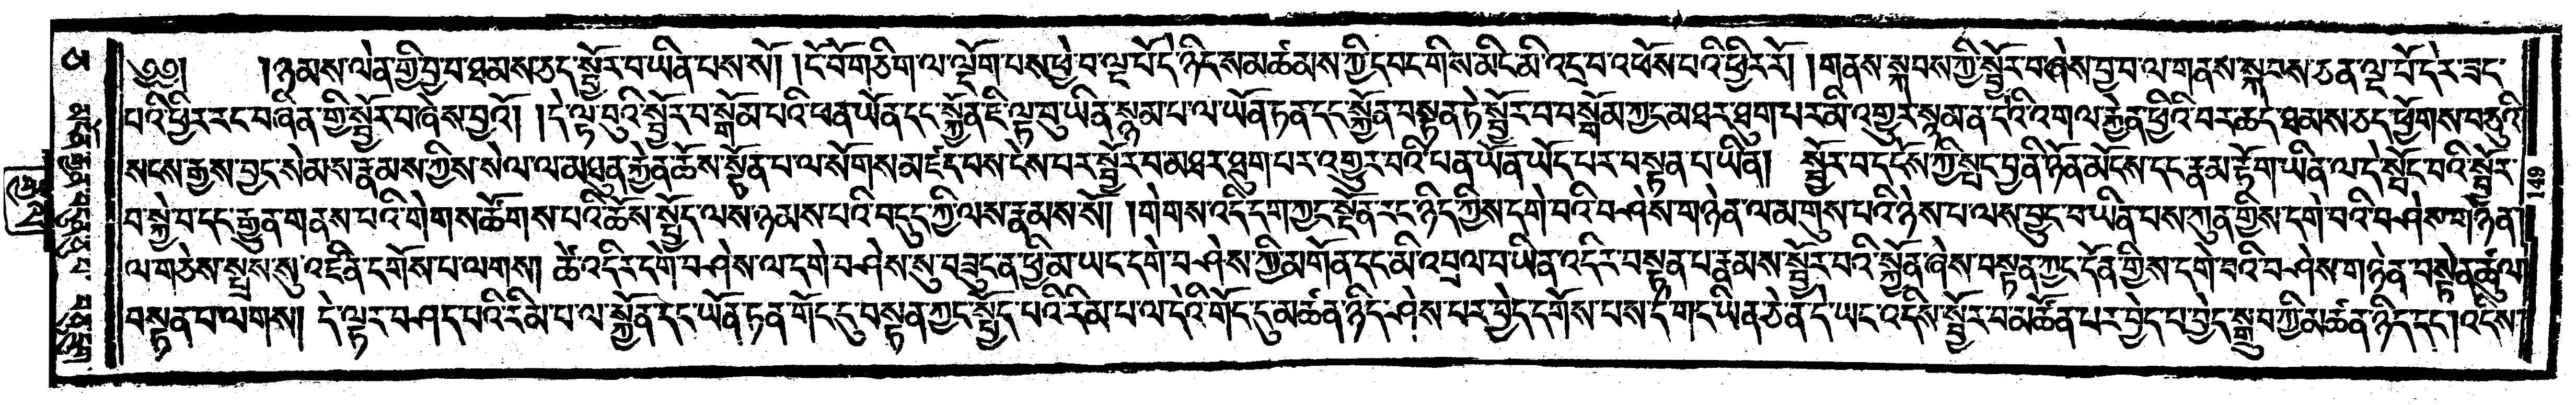༄༅། །ཉམས་ལེན་གྱི་བྱ་བ་ཐམས་ཅད་སྦྱོར་བ་ཡིན་པས་སོ། །ངོ་བོ་གཅིག་ལ་ལྡོག་པས་ཕྱེ་བ་ལྔ་པོ་དེ་ཉིད་ས་མཚམས་ཀྱི་དབང་གིས་མིང་མི་འདྲ་བ་འཕོས་པའི་ཕྱིར་རོ། །གནས་སྐབས་ཀྱི་སྦྱོར་བ་ཞེས་བྱ་བ་ལ་གནས་སྐབས་ཅན་ལྔ་པོ་དེར་ཟད་
པའི་ཕྱིར་རང་བཞིན་གྱི་སྦྱོར་བ་ཞེས་བྱའོ། །དེ་ལྟ་བུའི་སྦྱོར་བ་སྒོམ་པའི་ཕན་ཡོན་དང་སྐྱོན་ཇི་ལྟ་བུ་ཡིན་སྙམ་པ་ལ་ཡོན་ཏན་དང་སྐྱོན་བསྟན་ཏེ་སྦྱོར་བ་བསྒོམ་ཀྱང་མཐར་ཐུག་པར་མི་འགྱུར་སྙམ་ན་དེའི་འགལ་རྐྱེན་ཕྱིའི་བར་ཆད་ཐམས་ཅད་ཕྱོགས་བཅུའི་
སངས་རྒྱས་བྱང་སེམས་རྣམས་ཀྱིས་སེལ་ལ་མཐུན་རྐྱེན་ཆོས་སྟོན་པ་ལ་སོགས་མཛད་པས་ངེས་པར་སྦྱོར་བ་མཐར་ཐུག་པར་འགྱུར་བའི་པན་ཡོན་ཡོད་པར་བསྟན་པ་ཡིན། སྦྱོར་བ་དངོས་ཀྱི་སྤང་བྱ་ནི་ཉོན་མོངས་དང་རྣམ་རྟོག་ཡིན་ལ་དེ་སྤོང་བའི་སྦྱོར་
བ་སྐྱེ་བ་དང་རྒྱུན་གནས་པའི་གེགས་ཚོགས་པའི་ཆོས་སྤྱོད་ལས་ཉམས་པའི་བདུད་ཀྱི་ལས་རྣམས་སོ། །གེགས་འདི་དག་ཀྱང་སྔོན་རང་ཉིད་ཀྱིས་དགེ་བའི་བཤེས་གཉེན་ལ་མ་གུས་པའི་ཉེས་པ་ལས་བྱུང་བ་ཡིན་པས་ཀུན་གྱིས་དགེ་བའི་བཤེས་གཉེན་
ལ་གཅེས་སྤྲས་སུ་འཛིན་དགོས་པ་ལགས། ཚེ་འདིར་དགེ་བཤེས་ལ་དགེ་བཤེས་སུ་བཟུང་ན་ཕྱི་མ་ཡང་དགེ་བཤེས་ཀྱི་མགོན་དང་མི་འབྲལ་བ་ཡིན་འདིར་བསྟན་པ་རྣམས་སྦྱོར་བའི་སྐྱོན་ཞེས་བསྟན་ཀྱང་དོན་གྱིས་དགེ་བའི་བཤེས་གཉེན་བསྟེན་ཚུལ་
བསྟན་པ་ལགས། དེ་ལྟར་བཤད་པའི་རིམ་པ་ལ་སྐྱོན་དང་ཡོན་ཏན་གོང་དུ་བསྟན་ཀྱང་སྤྱོད་པའི་རིམ་པ་ལ་དེའི་གོང་དུ་མཚན་ཉིད་ཤེས་པར་བྱེད་དགོས་པས་དེ་གང་ཡིན་ཅེ་ན་དེ་ཡང་འདིས་སྦྱོར་བ་མཚོན་པར་བྱེད་པ་བྱེད་སྒྲུབ་ཀྱི་མཚན་ཉིད་དང་། འདིས་